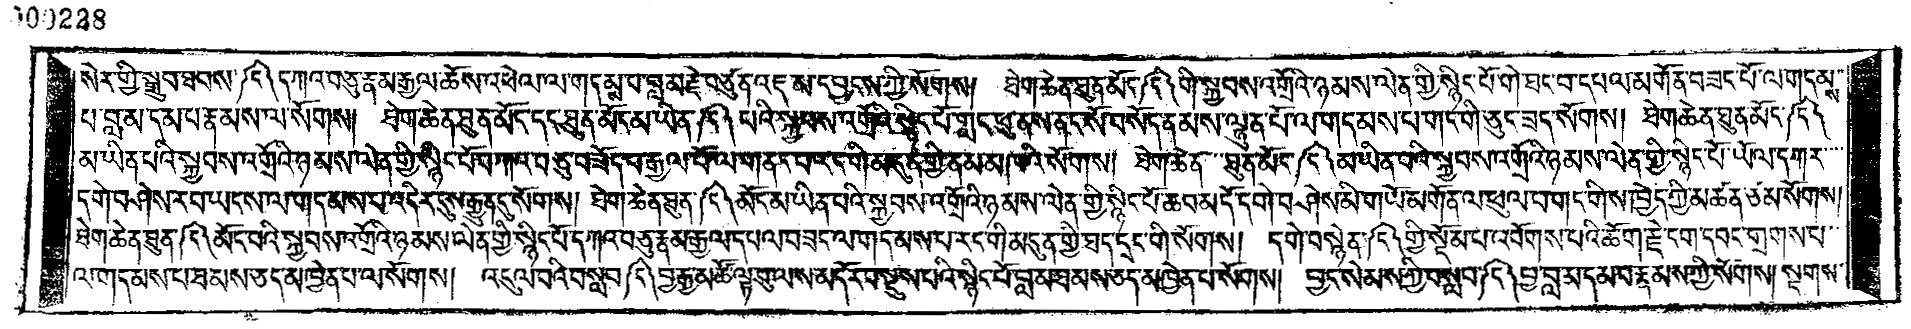སེར་གྱི་སྒྲུབ་ཐབས ༼ད༽ དཀའ་བཅུ་རྣམ་རྒྱལ་ཆོས་འཕེལ་ལ་གདམས་པ་བླ་མ་རྗེ་བཙུན་འཇམ་དབྱངས་ཀྱི་སོགས། ཐེག་ཆེན་ཐུན་མོང ༼ང༽ གི་སྐྱབས་འགྲོའི་ཉམས་ལེན་གྱི་སྙིང་པོ་གེ་ཐང་བ་དཔལ་མགོན་བཟང་པོ་ལ་གདམས་
པ་བླ་མ་དམ་པ་རྣམས་ལ་སོགས། ཐེག་ཆེན་ཐུན་མོང་དང་ཐུན་མོང་མ་ཡིན ༼ང༽ པའི་སྐྱབས་འགྲོའི་སྙིང་པོ་གླང་ཕུ་ནས་ནང་སོ་བསོད་ནམས་ལྷུན་པོ་ལ་གདམས་པ་གང་གི་ཅུང་ཟད་སོགས། ཐེག་ཆེན་ཐུན་མོང ༼ང༽
མ་ཡིན་པའི་སྐྱབས་འགྲོའི་ཉམས་ལེན་གྱི་སྙིང་པོ་བཀའ་བཅུ་བཟོད་པ་རྒྱལ་པོ་ལ་གནང་བ་རང་གི་མདུན་གྱི་ནམ་མཁའི་སོགས། ཐེག་ཆེན་ཐུན་མོང ༼ང༽ མ་ཡིན་པའི་སྐྱབས་འགྲོའི་ཉམས་ལེན་གྱི་སྙིང་པོ་ཡོལ་དཀར་
དགེ་བཤེས་རབ་ཡངས་ལ་གདམས་པ་འདིར་དུས་རྒྱུན་དུ་སོགས། ཐེག་ཆེན་ཐུན ༼ང༽ མོང་མ་ཡིན་པའི་སྐྱབས་འགྲོའི་ཉམས་ལེན་གྱི་སྙིང་པོ་ཆབ་མདོ་དགེ་བཤེས་མི་གཡོ་མགོན་ལ་ཕུལ་བ་གང་གིས་ཁྱེད་ཀྱི་མཚན་ཙམ་སོགས།
ཐེག་ཆེན་ཐུན ༼ང༽ མོང་བའི་སྐྱབས་འགྲོའི་ཉམས་ལེན་གྱི་སྙིང་པོ་དཀའ་བཅུ་རྣམ་རྒྱལ་དཔལ་བཟང་ལ་གདམས་པ་རང་གི་མདུན་གྱི་ཐད་དྲང་གི་སོགས། དགེ་བསྙེན ༼ང༽ གྱི་སྡོམ་པ་འབོགས་པའི་ཆོ་ག་རྗེ་ངག་དབང་གྲགས་པ་
ལ་གདམས་པ་ཐམས་ཅད་མཁྱེན་པ་ལ་སོགས། འདུལ་བའི་བསླབ ༼ང༽ བྱ་རྒྱ་མཚོ་ལྟ་བུ་ལས་མདོར་བསྡུས་པའི་སྙིང་པོ་བླ་མ་ཐམས་ཅད་མཁྱེན་པ་སོགས། བྱང་སེམས་ཀྱི་བསླབ ༼ང༽ བྱ་བླ་མ་དམ་པ་རྣམས་ཀྱི་སོགས། སྔགས་